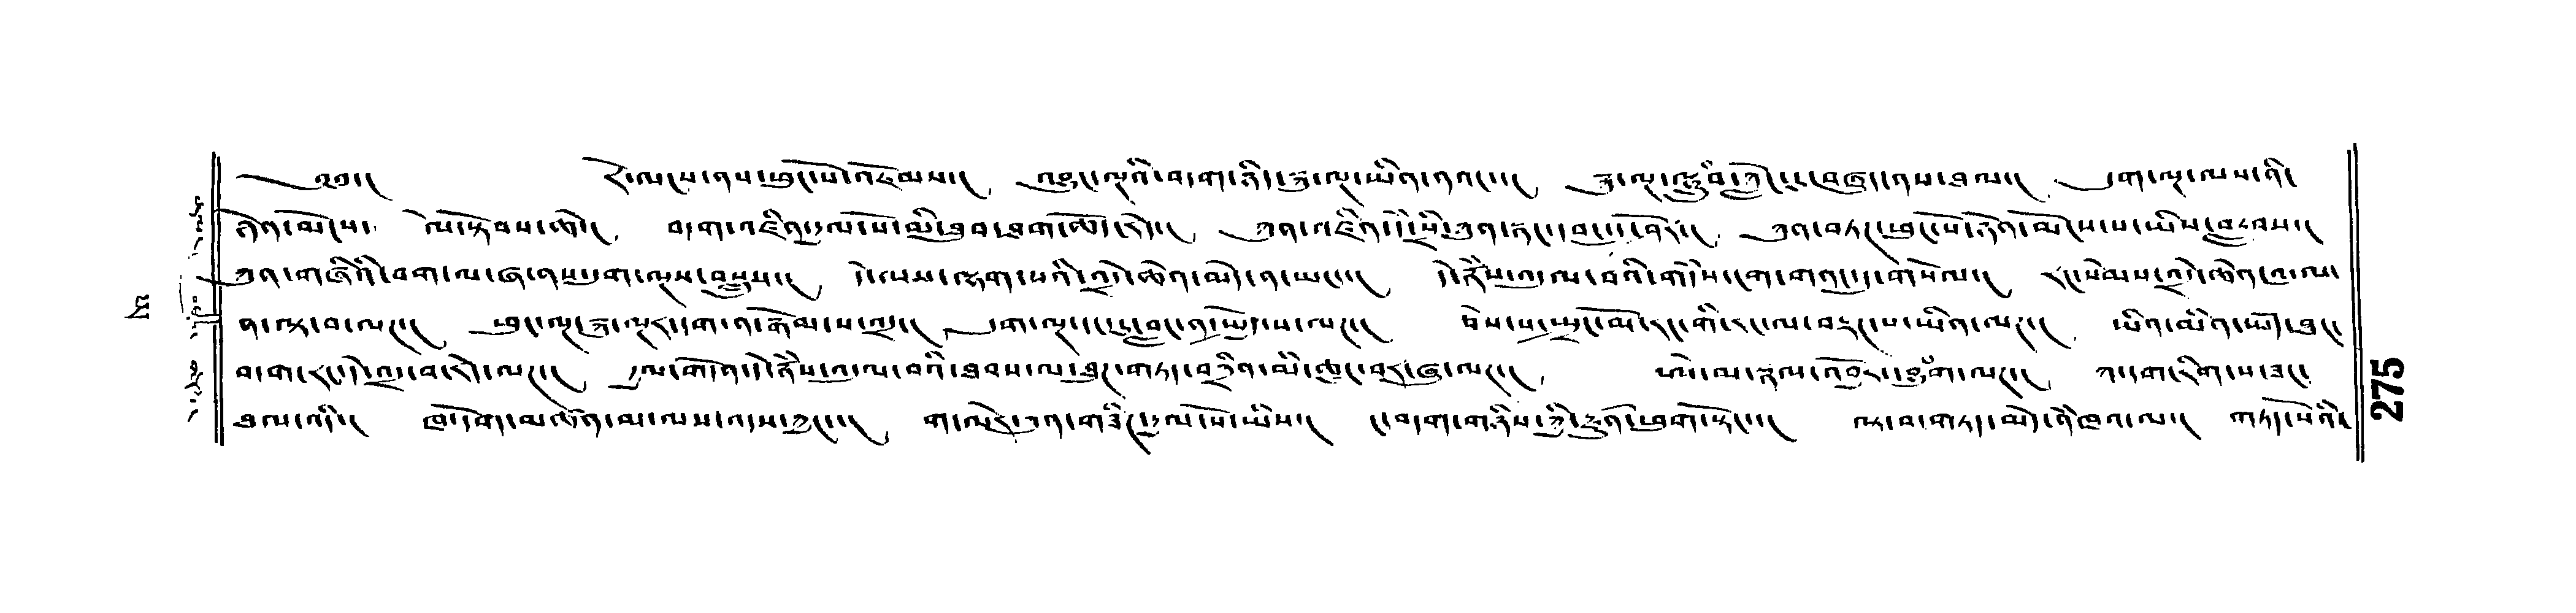རོ་ལངས་ནས་ཕུང་པོ་འཇོམས། །འབྱུང་ལྔའི་བདག་ཉིད་སྐུ་ལྔ་ཡིན་ནའང་། །སྐུ་ལྔ་ལྷུན་གྲུབ་ཀློང་དུ་བཞུད་ནས་ཐལ། །དུག་ལྔ་ལས་ནི་
ཉོན་མོངས་འཕེལ་སྟོབས་ཆེ། །བདག་འཛིན་རྒྱལ་པོ་མི་ཐུབ་ཐག་ཆོད་རེད། །ཀུན་འཛིན་དམ་སྲི་ཀུན་སྣང་དབང་དུ་ཤོར། །ཀུན་བཏགས་ཕུང་པོ་ཉོན་མོངས་པ་ཡིས་བརླབས། །
ཀུན་གཞིའི་བག་ལ་ཞ་ནས་དུག་ལྔས་བསླུས། །དེ་ལས་ལྷག་པའི་འདྲེ་ཆེན་མེད་ན་ཡང་། །དེ་རྣམས་འདུལ་བའི་གདམས་ངག་གནང་དུ་གསོལ། །རང་སེམས་འདྲེ་ཆེན་འདུལ་
ན་ལྟ་བ་ལགས། །ཕུང་ལྔ་སྐུ་ལྔར་དག་ན་སྒོམ་པ་འདྲ། །དུག་ལྔ་དང་དུ་བླང་ན་སྤྱོད་པ་ལགས།ཅེས་པ་སྤྲང་མོ་རང་གི་རང་ལ་བརྟགས་པ་ཡིན་ལགས། ཡིན་མིན་ཡོད་ཐང་
བདག་རང་དེ་འདྲ་བ་རེད་ལགས། རྒྱལ་གདོན་དེ་རྣམས་འདུལ་བའི་ཐབས་ལ་ཐུགས་གཏད་བཀའ་དྲིན་མི་ཆུང་བར་ཞུ་ལགས།། ཨེ་མ་རྣལ་འབྱོར་དབང་ཕྱུག་ལགས། །ཀ་དག་རིག་པ་ཟང་
ཐལ་འདི། ཁ་དོག་མཚན་མ་ལས་འདས་ཀྱང་། །ག་ལེར་ཀུན་གཟིགས་རྒྱལ་པོ་ཡིས། །ང་བདག་གཉིས་ཀྱི་རྫུན་ཕུག་སྟོང་། །ལྟ་བ་གཏད་མེད་ནམ་མཁའ་ལ། །གཏད་སོའི་